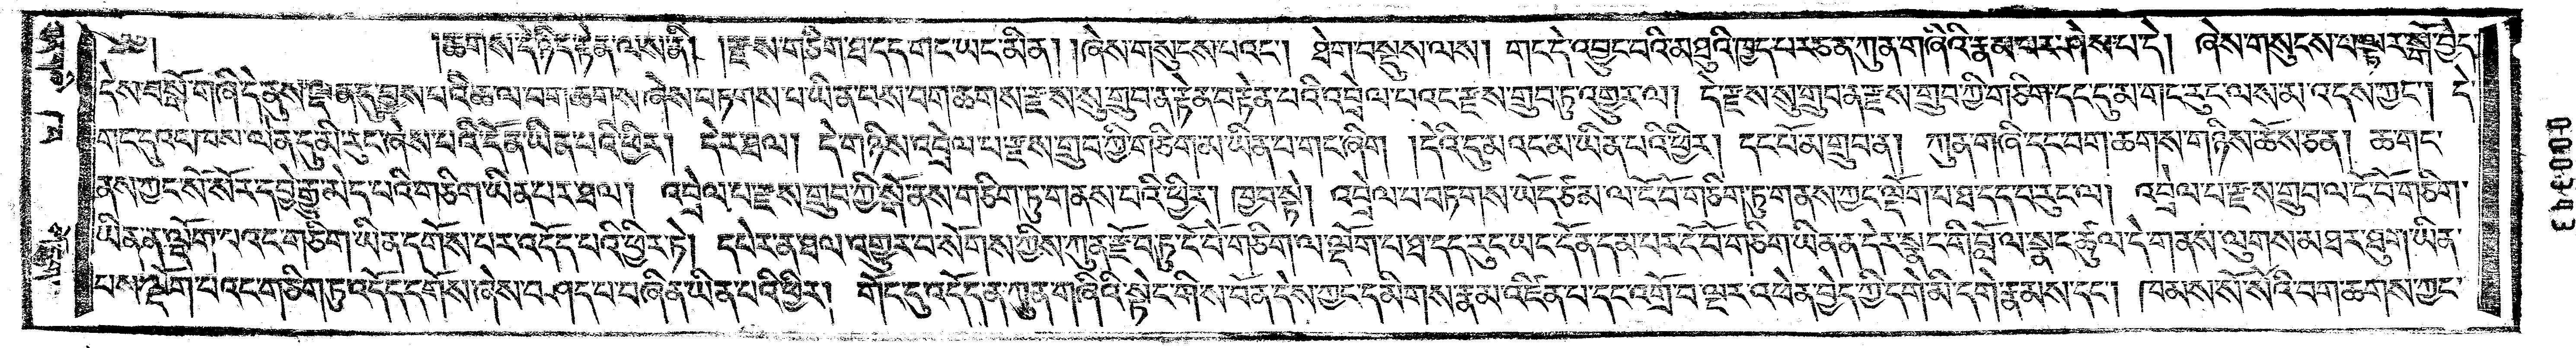༄༅། །ཆགས་དེ་ཉིད་རྟེན་ལས་ནི། །རྫས་གཅིག་ཐ་དད་གང་ཡང་མིན། །ཞེས་གསུངས་པ་དང་། ཐེག་བསྡུས་ལས། གང་དེ་འབྱུང་བའི་མཐུའི་ཁྱད་པར་ཅན་ཀུན་གཞིའི་རྣམ་པར་ཤེས་པ་དེ། ཞེས་གསུངས་པ་ལྟར་སྒོ་བྱེད་
དེས་བསྒོ་གཞི་དེ་ནུས་ལྡན་དུ་བྱས་པའི་ཆ་ལ་བག་ཆགས་ཞེས་བཏགས་པ་ཡིན་པས་བག་ཆགས་རྫས་སུ་གྲུབ་ན་རྟེན་བརྟེན་བའི་འབྲེལ་བའང་རྫས་གྲུབ་ཏུ་འགྱུར་ལ། དེ་རྫས་སུ་གྲུབ་ན་རྫས་གྲུབ་ཀྱི་གཅིག་དང་དུ་མ་གང་རུང་ལས་མ་འདས་ཀྱང་། དེ་
གང་དུའང་ཁས་ལེན་དུ་མི་རུང་ཞེས་པའི་དོན་ཡིན་པའི་ཕྱིར། དེར་ཐལ། དེ་གཉིས་འབྲེལ་པ་རྫས་གྲུབ་ཀྱི་གཅིག་མ་ཡིན་པ་གང་ཞིག །དེའི་དུ་མའང་མ་ཡིན་པའི་ཕྱིར། དང་པོ་མ་གྲུབ་ན། ཀུན་གཞི་དང་བག་ཆགས་གཉིས་ཆོས་ཅན། ཆ་གང་
ནས་ཀྱང་སོ་སོར་དབྱེ་རྒྱུ་མེད་པའི་གཅིག་ཡིན་པར་ཐལ། འབྲེལ་པ་རྫས་གྲུབ་ཀྱི་སྒོ་ནས་གཅིག་ཏུ་གནས་པའི་ཕྱིར། ཁྱབ་སྟེ། འབྲེལ་པ་བཏགས་ཡོད་ཙམ་ལ་ངོ་བོ་གཅིག་ཏུ་གནས་ཀྱང་ལྡོག་པ་ཐ་དད་པ་རུང་ལ། འབྲེལ་པ་རྫས་གྲུབ་ལ་ངོ་བོ་གཅིག་
ཡིན་ན་ལྡོག་པའང་གཅིག་ཡིན་དགོས་པར་འདོད་པའི་ཕྱིར་ཏེ། དཔེར་ན་ཐལ་འགྱུར་བ་སོགས་ཀྱིས་ཀུན་རྫོབ་ཏུ་ངོ་བོ་གཅིག་ལ་ལྡོག་པ་ཐ་དད་རུང་ཡང་དོན་དམ་པར་ངོ་བོ་གཅིག་ཡིན་ན་དེར་སྣང་གི་བློ་ལ་སྣང་ཚུལ་དེ་གནས་ལུགས་མཐར་ཐུག་ཡིན་
པས་ལྡོག་པའང་གཅིག་ཏུ་འདོད་དགོས་ཞེས་བཤད་པ་བཞིན་ཡིན་པའི་ཕྱིར། གོང་དུ་འདོད་ན་ཀུན་གཞིའི་སྟེང་གི་ས་བོན་དེས་ཀྱང་དམིགས་རྣམ་འཛིན་པ་དང་འགྲོ་བ་ལྔར་འཕེན་བྱེད་ཀྱི་དགེ་མི་དགེ་རྣམས་དང་། ཁམས་སོ་སོའི་བག་ཆགས་ཀྱང་